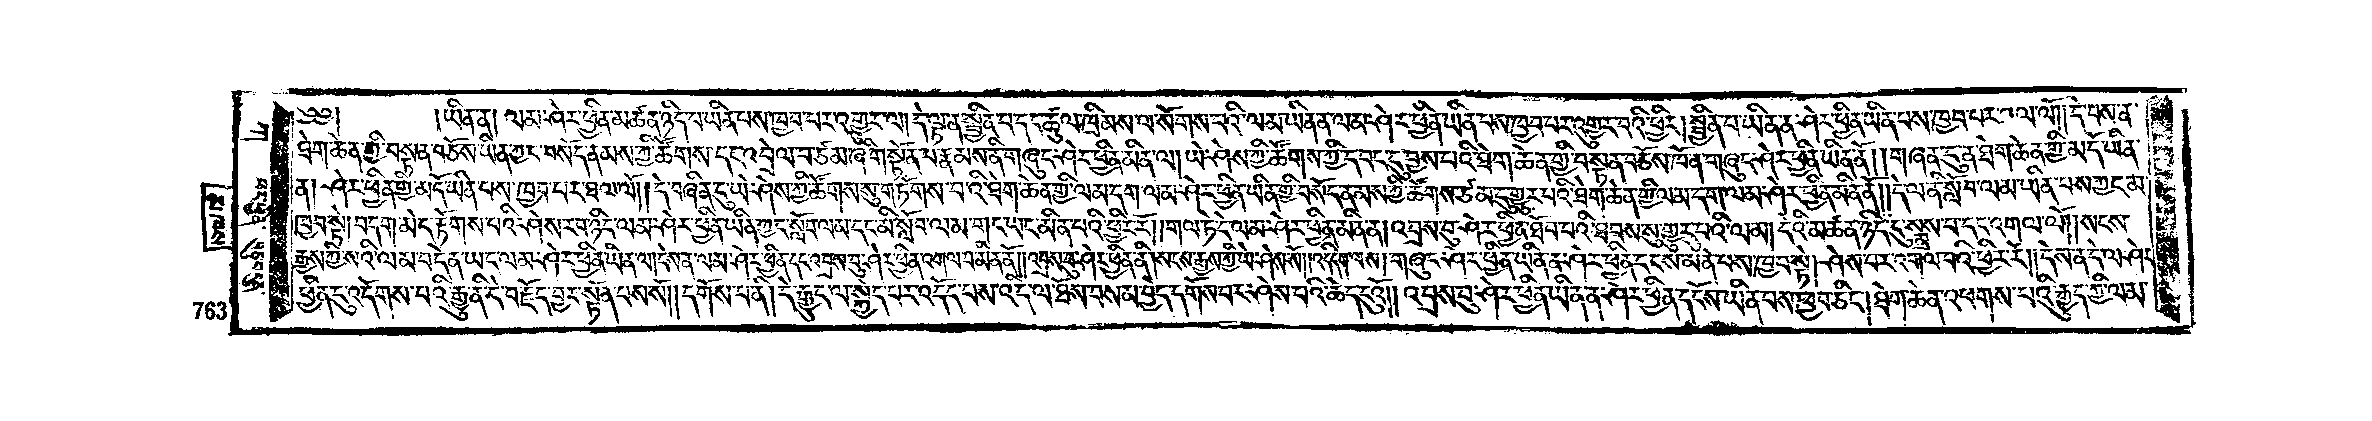༄༅། །ཡིན་ན། ལམ་ཤེར་ཕྱིན་མཚན་ཉིད་པ་ཡིན་པས་ཁྱབ་པར་འགྱུར་ལ། དེ་ལྟ་ན་སྦྱིན་པ་དང་ཚུལ་ཁྲིམས་ལ་སོགས་པའི་ལམ་ཡིན་ན་ལམ་ཤེར་ཕྱིན་ཡིན་པས་ཁྱབ་པར་འགྱུར་བའི་ཕྱིར། སྦྱིན་པ་ཡིན་ན་ཤེར་ཕྱིན་ཡིན་པས་ཁྱབ་པར་ཐལ་ལོ། །དེ་བས་ན་
ཐེག་ཆེན་གྱི་བསྟན་བཅོས་ཡིན་ཀྱང་བསོད་ནམས་ཀྱི་ཚོགས་དང་འབྲེལ་བ་ཙམ་ཞིག་སྟོན་པ་རྣམས་ནི་གཞུང་ཤེར་ཕྱིན་མིན་ལ། ཡེ་ཤེས་ཀྱི་ཚོགས་ཀྱི་དབང་དུ་བྱས་པའི་ཐེག་ཆེན་གྱི་བསྟན་བཅོས་ཁོ་ན་གཞུང་ཤེར་ཕྱིན་ཡིན་ནོ། །གཞན་དུ་ན་ཐེག་ཆེན་གྱི་མདོ་ཡིན་
ན། ཤེར་ཕྱིན་གྱི་མདོ་ཡིན་པས་ཁྱབ་པར་ཐལ་ལོ། །དེ་བཞིན་དུ་ཡེ་ཤེས་ཀྱི་ཚོགས་སུ་གཏོགས་པའི་ཐེག་ཆེན་གྱི་ལམ་དག་ལམ་ཤེར་ཕྱིན་ཡིན་གྱི་བསོད་ནམས་ཀྱི་ཚོགས་ཙམ་དུ་གྱུར་པའི་ཐེག་ཆེན་གྱི་ལམ་དག་ལམ་ཤེར་ཕྱིན་མིན་ནོ། །དེ་ལ་ནི་སློབ་ལམ་ཡིན་པས་ཀྱང་མ་
ཁྱབ་སྟེ། བདག་མེད་རྟོགས་པའི་ཤེས་རབ་ཉིད་ལམ་ཤེར་ཕྱིན་ཡིན་ཀྱང་སློབ་ལམ་དང་མི་སློབ་ལམ་གང་ཡང་མིན་པའི་ཕྱིར་རོ། །གལ་ཏེ་དེ་ལམ་ཤེར་ཕྱིན་མིན་ན། འབྲས་བུ་ཤེར་ཕྱིན་ཐོབ་པའི་ཐབས་སུ་གྱུར་པའི་ལམ། དེའི་མཚན་ཉིད་དུ་སྨྲས་པ་དང་འགལ་ལོ། །སངས་
རྒྱས་ཀྱི་སའི་ལམ་བདེན་ཡང་ལམ་ཤེར་ཕྱིན་ཡིན་ལ། ངེས་ན་ལམ་ཤེར་ཕྱིན་དང་འབྲས་བུ་ཤེར་ཕྱིན་འགལ་བ་མིན་ནོ། །འབྲས་བུ་ཤེར་ཕྱིན་ནི། སངས་རྒྱས་ཀྱི་ཡེ་ཤེས་སོ། །འདི་དག་ལས། གཞུང་ཤེར་ཕྱིན་ཡིན་ན་ཤེར་ཕྱིན་དངས་མིན་པས་ཁྱབ་སྟེ། ཤེས་པར་འགལ་པའི་ཕྱིར་རོ། །དེས་ན་དེ་ལ་ཤེར་
ཕྱིན་དུ་འདོགས་པའི་རྒྱུ་ནི་ངེ་བརྗོད་བྱར་སྟོན་པས་སོ། །དགོས་པ་ནི། དེ་རྒྱུད་ལ་སྐྱེད་པར་འདོད་པས་འདི་ལ་ཐོས་བསམ་བྱེད་དགོས་པར་ཤེས་པའི་ཆེད་དུའོ། །འབྲས་བུ་ཤེར་ཕྱིན་ཡིན་ན་ཤེར་ཕྱིན་དངོས་ཡིན་པས་ཁྱབ་ཅིང་། ཐེག་ཆེན་འཕགས་པའི་རྒྱུད་ཀྱི་ལམ་